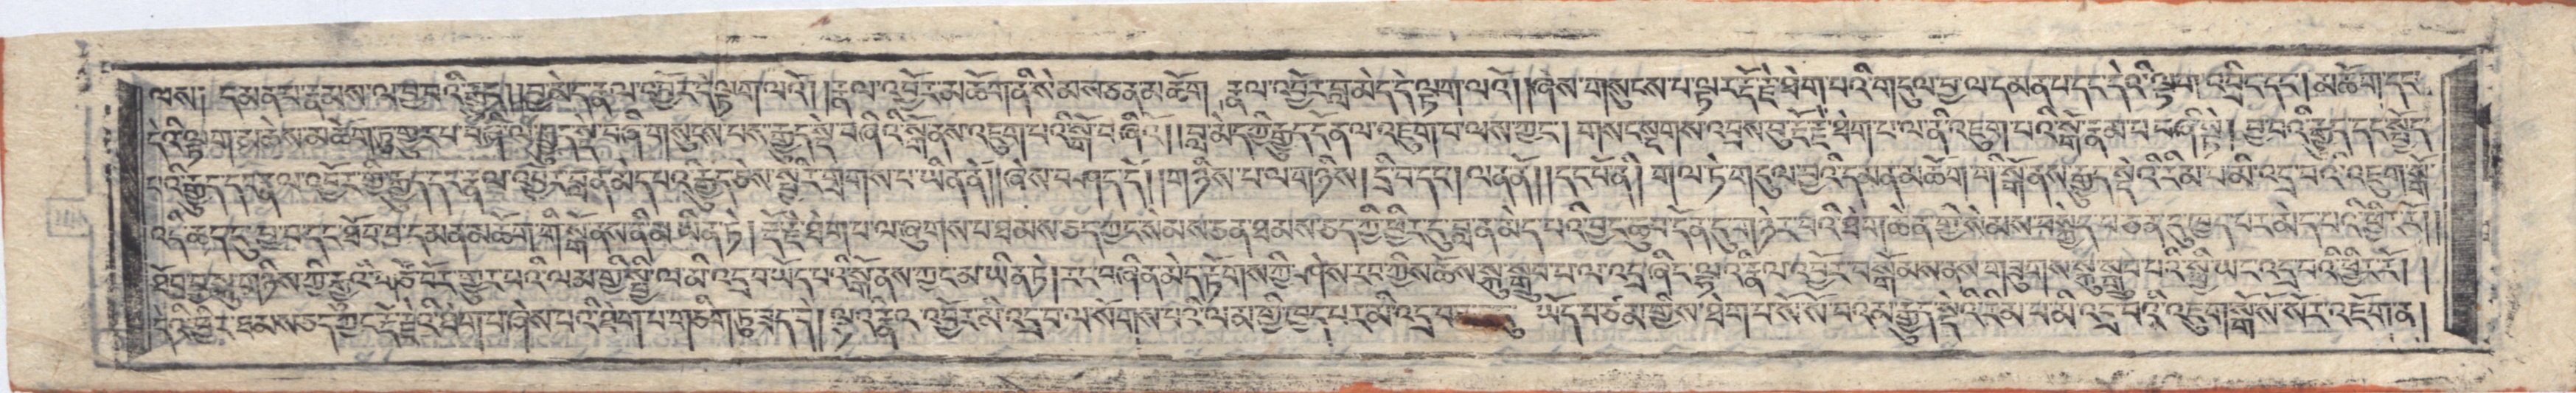ལས། དམན་པ་རྣམས་ལ་བྱ་བའི་རྒྱུད། །བྱ་མེད་རྣལ་འབྱོར་དེ་ལྟག་ལའོ། །རྣལ་འབྱོར་མཆོག་ནི་སེམས་ཅན་མཆོག །རྣལ་འབྱོར་བླ་མེད་དེ་ལྟག་ལའོ། །ཞེས་གསུངས་པ་ལྟར་རྡོ་རྗེ་ཐེག་པའི་གདུལ་བྱ་ལ་དམན་པ་དང་དེའི་ལྟག་འབྲིང་དང་། མཆོག་དང་
དེའི་ལྟག་མ་ཆེས་མཆོག་ཏུ་གྱུར་པ་བཞི་ལ་རྒྱུད་སྡེ་བཞི་གསུངས་པས་རྒྱུད་སྡེ་བཞིའི་སྒོ་ནས་འཇུག་པའི་སྒོ་བཞིའོ། །བླ་མེད་ཀྱི་རྒྱུད་དོན་ལ་འཇུག་པ་ལས་ཀྱང་། གསང་སྔགས་འབྲས་བུ་རྡོ་རྗེ་ཐེག་པ་ལ་ནི་འཇུག་པའི་སྒོ་རྣམ་པ་བཞི་སྟེ། བྱ་བའི་རྒྱུད་དང་སྤྱོད་
པའི་རྒྱུད་དང་རྣལ་འབྱོར་གྱི་རྒྱུད་དང་རྣལ་འབྱོར་བླ་ན་མེད་པའི་རྒྱུད་ཅེས་སྤྱིར་གྲགས་པ་ཡིན་ནོ། །ཞེས་བཤད་དོ། །གཉིས་པ་ལ་གཉིས། དྲི་བ་དང་། ལན་ནོ། །དང་པོ་ནི། གལ་ཏེ་གདུལ་བྱའི་དམན་མཆོག་གི་སྒོ་ནས་རྒྱུད་སྡེའི་རིམ་པ་མི་འདྲ་བའི་འཇུག་སྒོ་
འདི་ཆད་དུ་བྱ་བ་དང་ཐོབ་བྱ་དམན་མཆོག་གི་སྒོ་ནས་ནི་མ་ཡིན་ཏེ། རྡོ་རྗེ་ཐེག་པ་ལ་ཞུགས་པ་ཐམས་ཅད་ཀྱང་སེམས་ཅན་ཐམས་ཅད་ཀྱི་ཕྱིར་དུ་བླ་ན་མེད་པའི་བྱང་ཆུབ་དོན་དུ་གཉེར་བའི་ཐེག་ཆེན་གྱི་སེམས་བསྐྱེད་པ་ཅན་དུ་ཁྱད་པར་མེད་པའི་ཕྱིར་རོ། །
ཐོབ་བྱ་སྐུ་གཉིས་ཀྱི་རྒྱུའི་གཙོ་བོར་གྱུར་པའི་ལམ་གྱི་སྤྱི་ལ་མི་འདྲ་བ་ཡོད་པའི་སྒོ་ནས་ཀྱང་མ་ཡིན་ཏེ། རང་བཞིན་མེད་རྟོགས་ཀྱི་ཤེས་རབ་ཀྱིས་ཆོས་སྐུ་སྒྲུབ་པ་ལ་འདྲ་ཞིང་ལྷའི་རྣལ་འབྱོར་བསྒོམས་ནས་གཟུགས་སྐུ་སྒྲུབ་པའི་སྤྱི་ཡང་འདྲ་བའི་ཕྱིར་རོ། །
དེའི་ཕྱིར་ཐམས་ཅད་ཀྱང་རྡོ་རྗེའི་ཐེག་པ་ཞེས་པ་ཐེག་པ་གཅིག་ཏུ་ཟད་དེ། ལྷའི་རྣལ་འབྱོར་མི་འདྲ་བ་ལ་སོགས་པའི་ལམ་གྱི་ཁྱད་པར་མི་འདྲ་ཕ་མང་དུ་ཡོད་པ་ཙམ་གྱིས་ཐེག་པ་སོ་སོ་བའམ་རྒྱུད་སྡེའི་རིམ་པ་མི་འདྲ་བའི་འཇུག་སྒོ་སོ་སོར་འཇོག་ན།